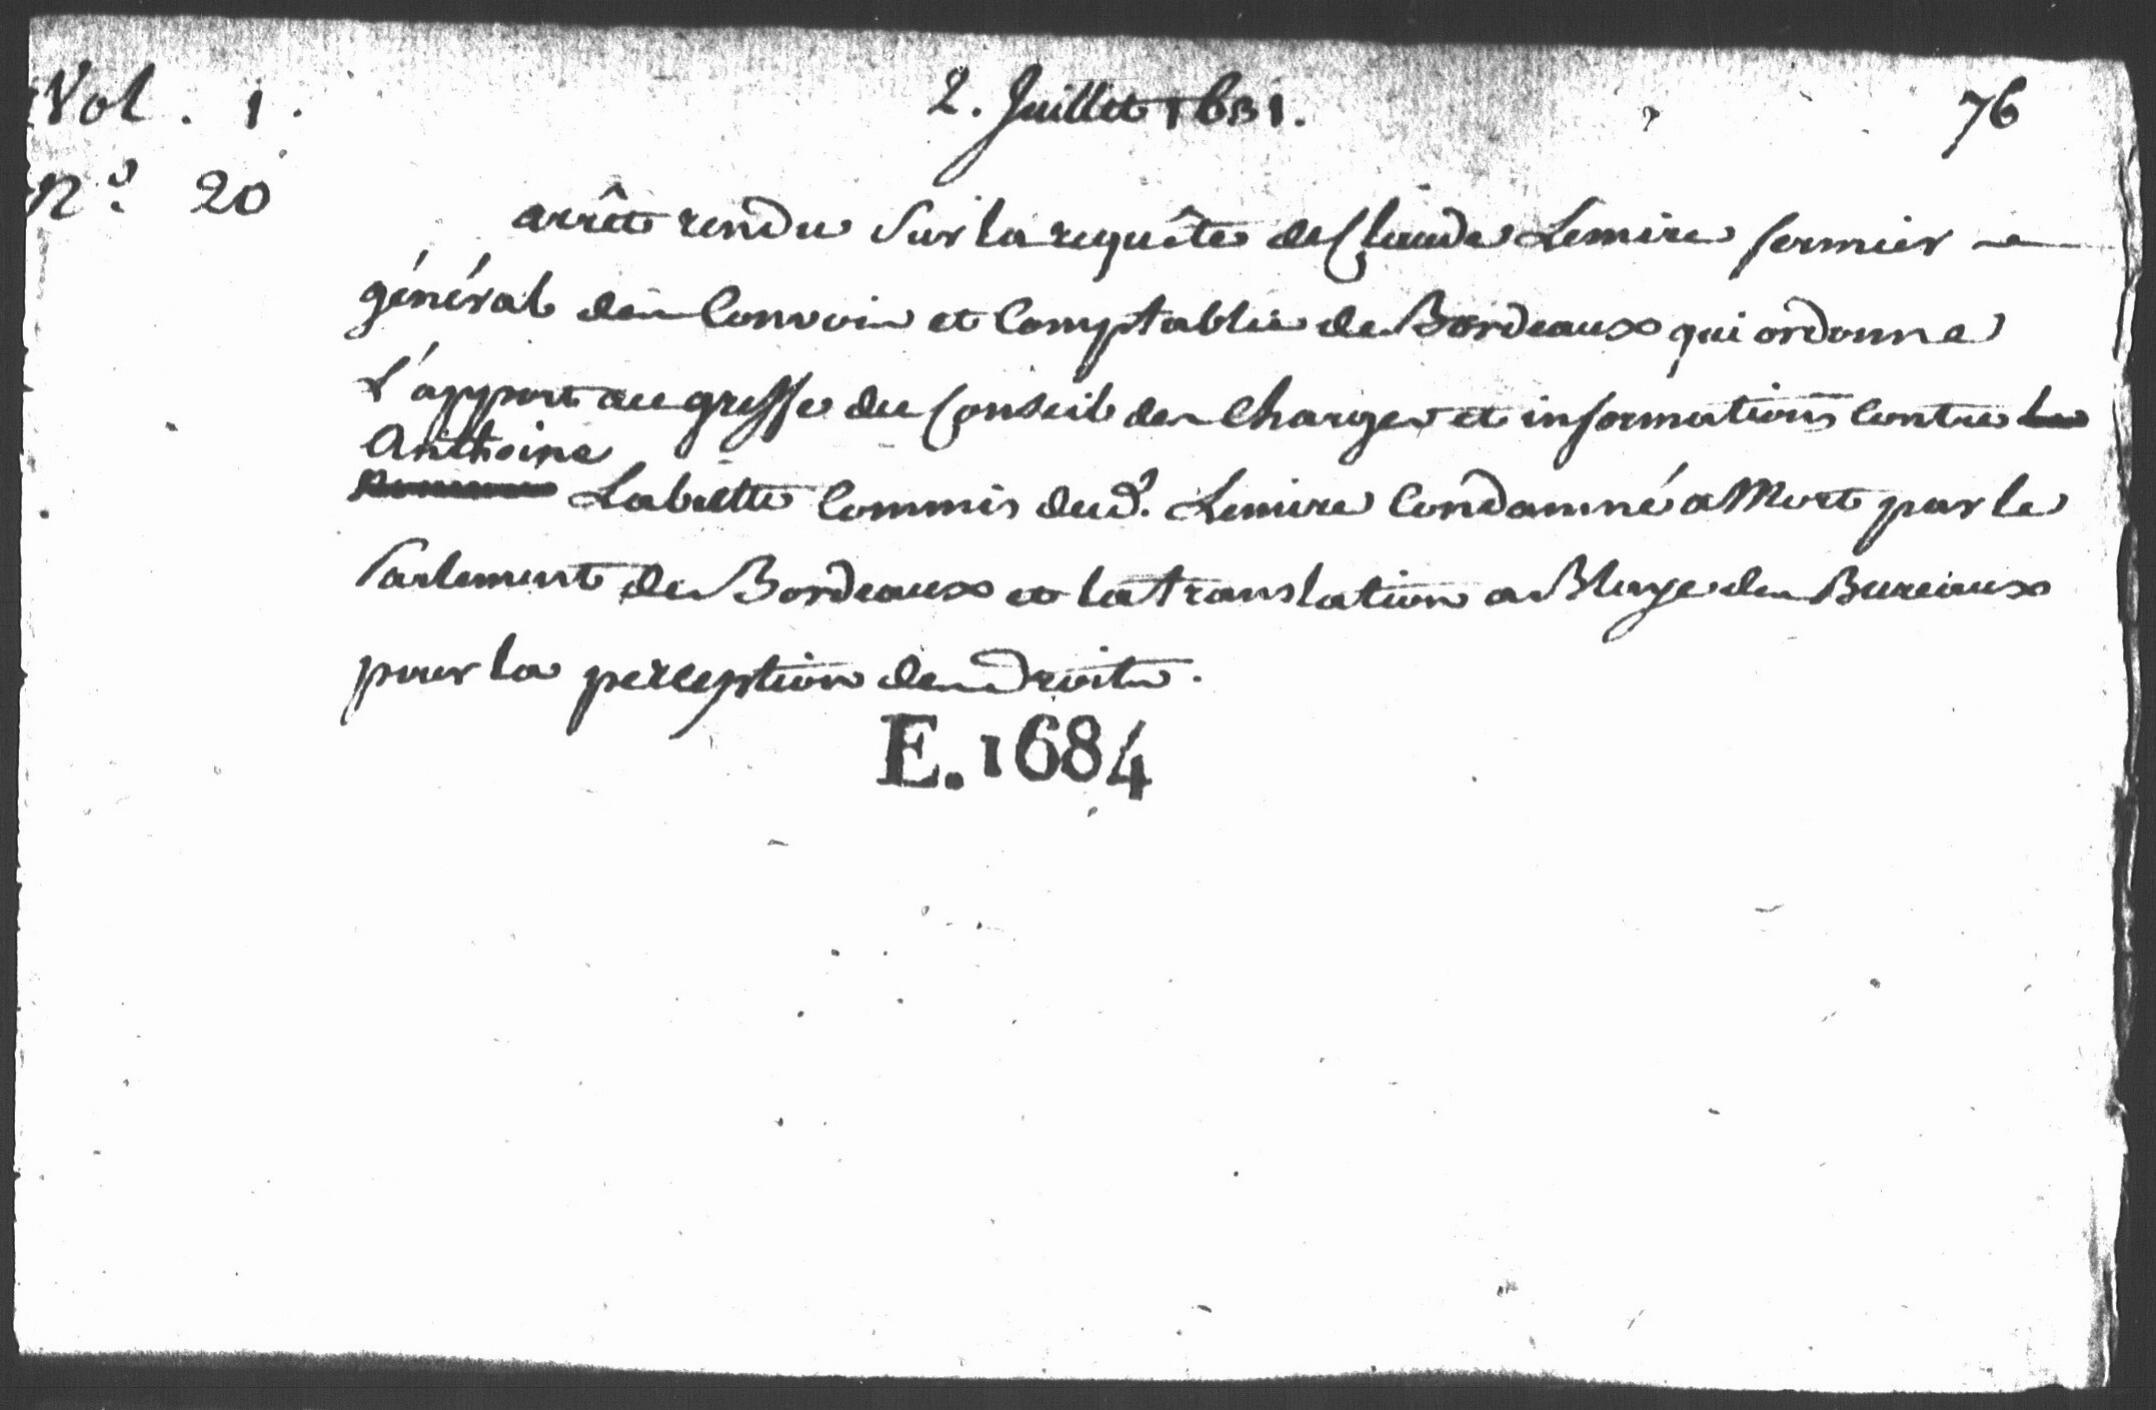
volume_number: n°20
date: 2 juillet 1631
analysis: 76
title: arrêt rendu sur la requête de Claude Lemire fermier général des convois et comptablie de Bordeaux qui ordonne l'apport au greffe du Conseil des charges et informations contre [mots barrés] Anthoine Labiette commis dud. Lemire condamné a mort par le Parlement de Bordeaux et la translation a Blaye des bureaux pour la perception des droits.
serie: E
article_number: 1684
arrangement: vol. 1
